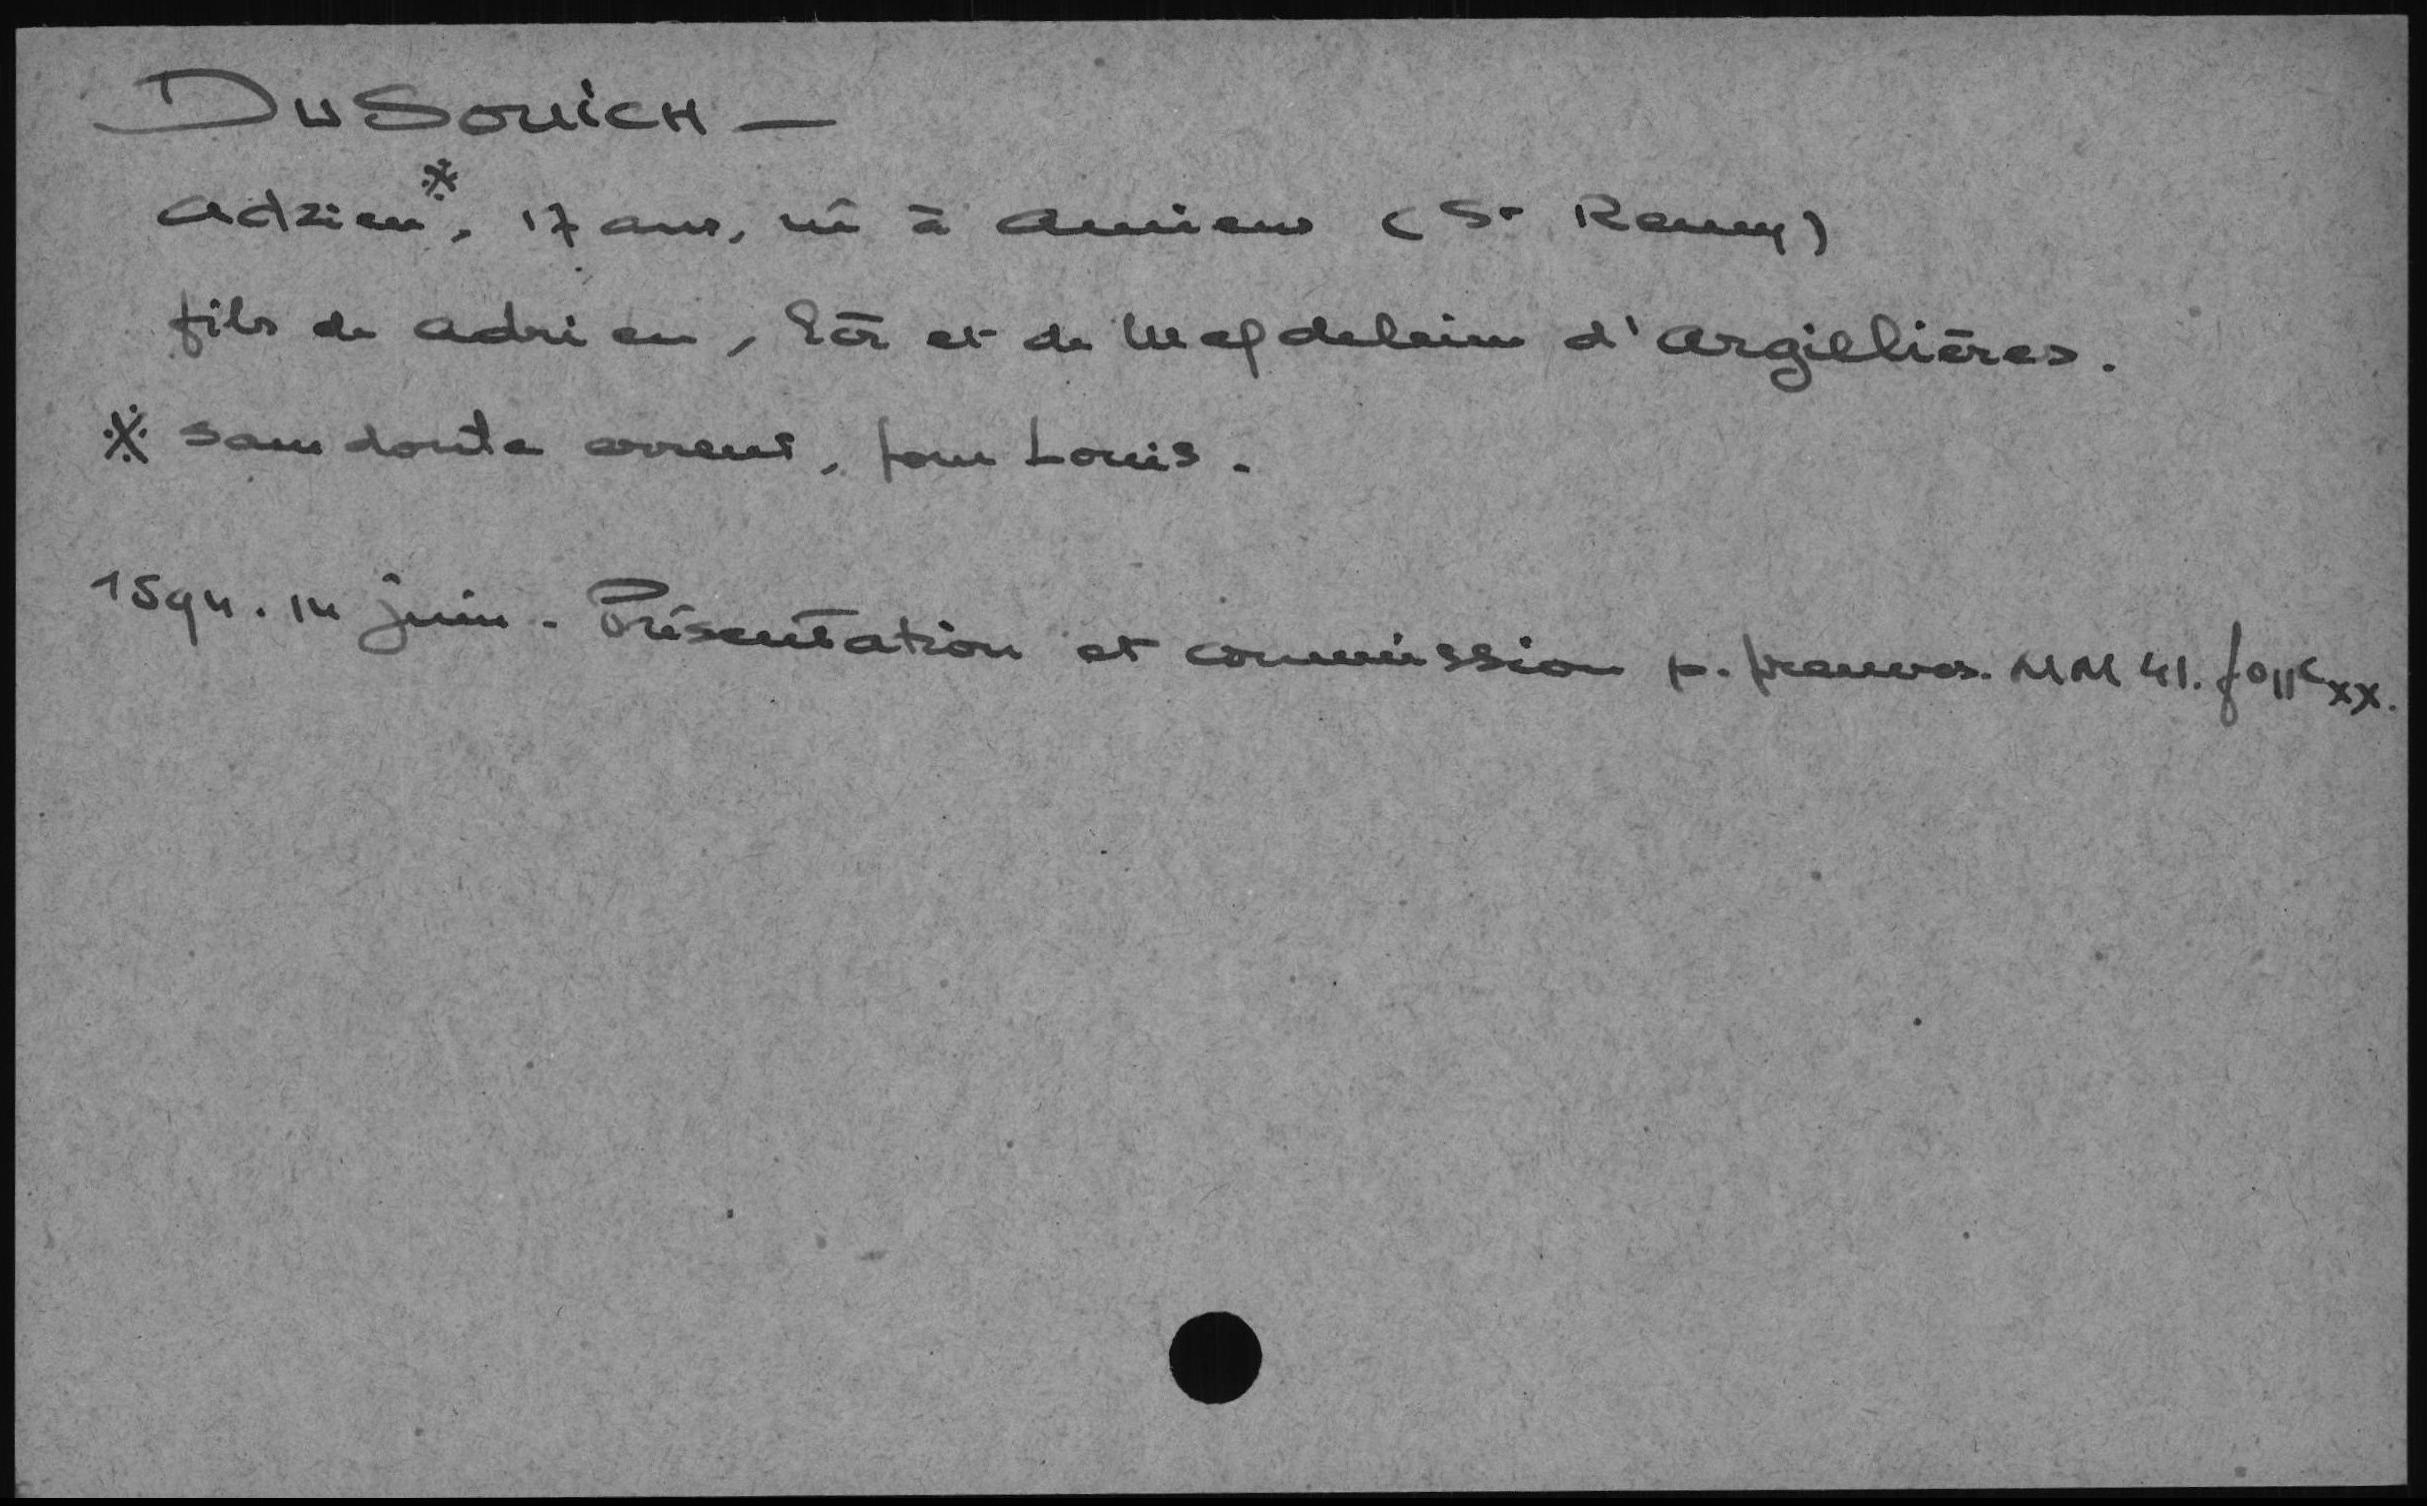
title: DU SOUICH, Adrien*, 17 ans, né à Amiens (Saint Remy) fils de Adrien, écuyer et de Magdeleine d'Argillières. * sans doute erreur, pour Louis.
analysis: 1594, 14 juin. Présentation et commission pour preuves. MM 41, fol. IIC XX.
